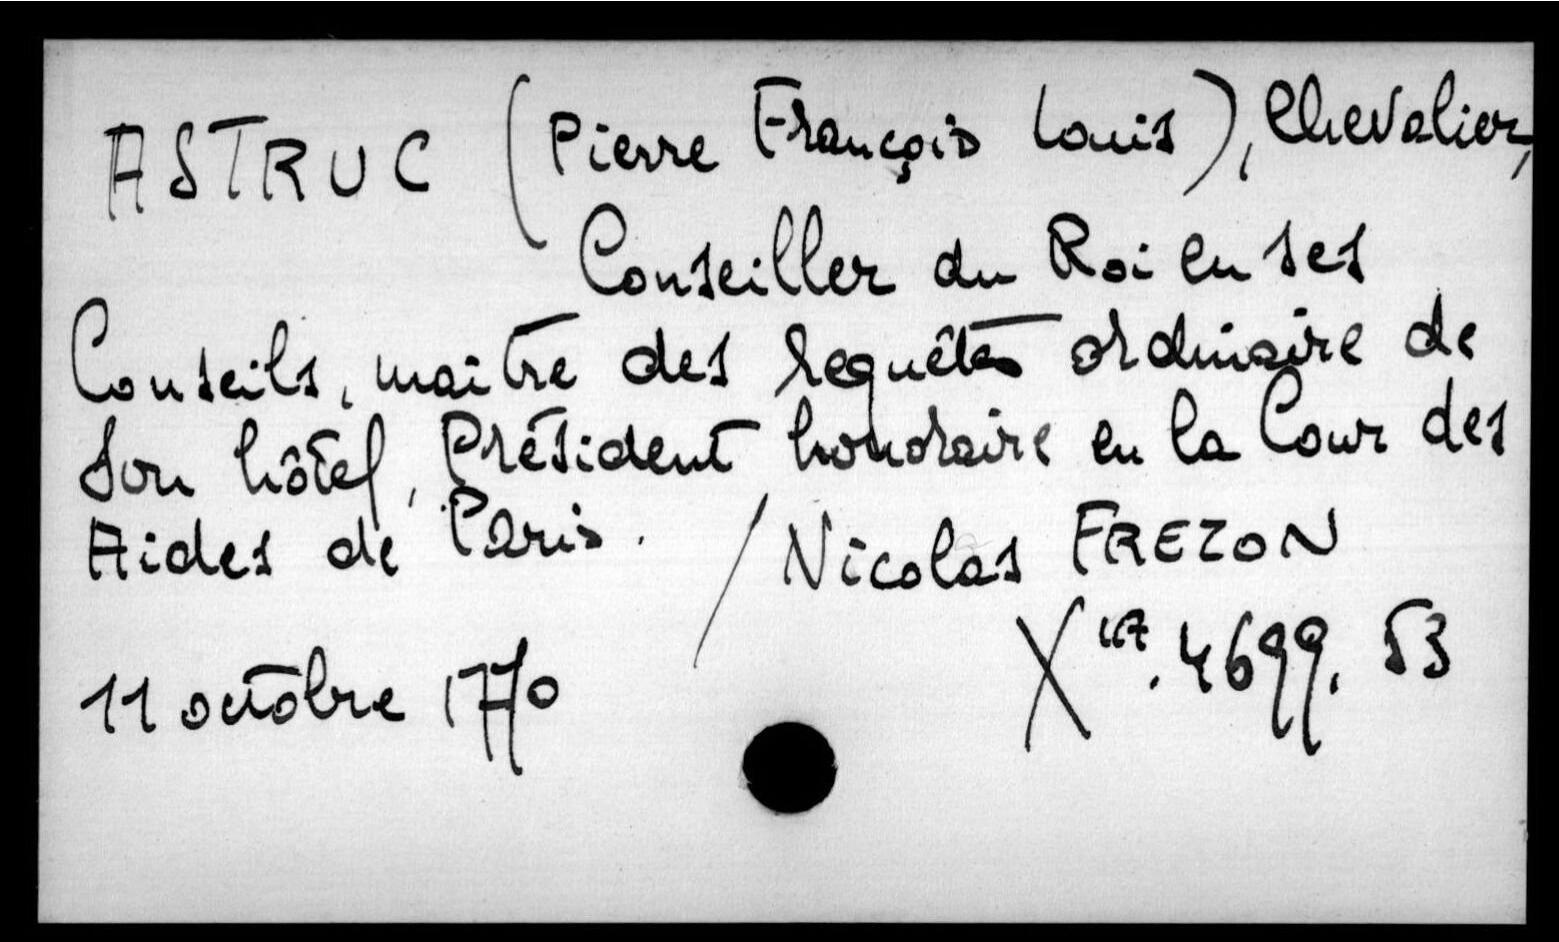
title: ASTRUC (Pierre François Louis), Chevalier, Conseiller du Roi en ses Conseils, maître des requêtes ordinaire de son hôtel, Président honoraire en la Cour des Aides de Paris.
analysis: Contre Nicolas FREZON
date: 11 octobre 1770
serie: X1A
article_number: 4699
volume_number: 53
